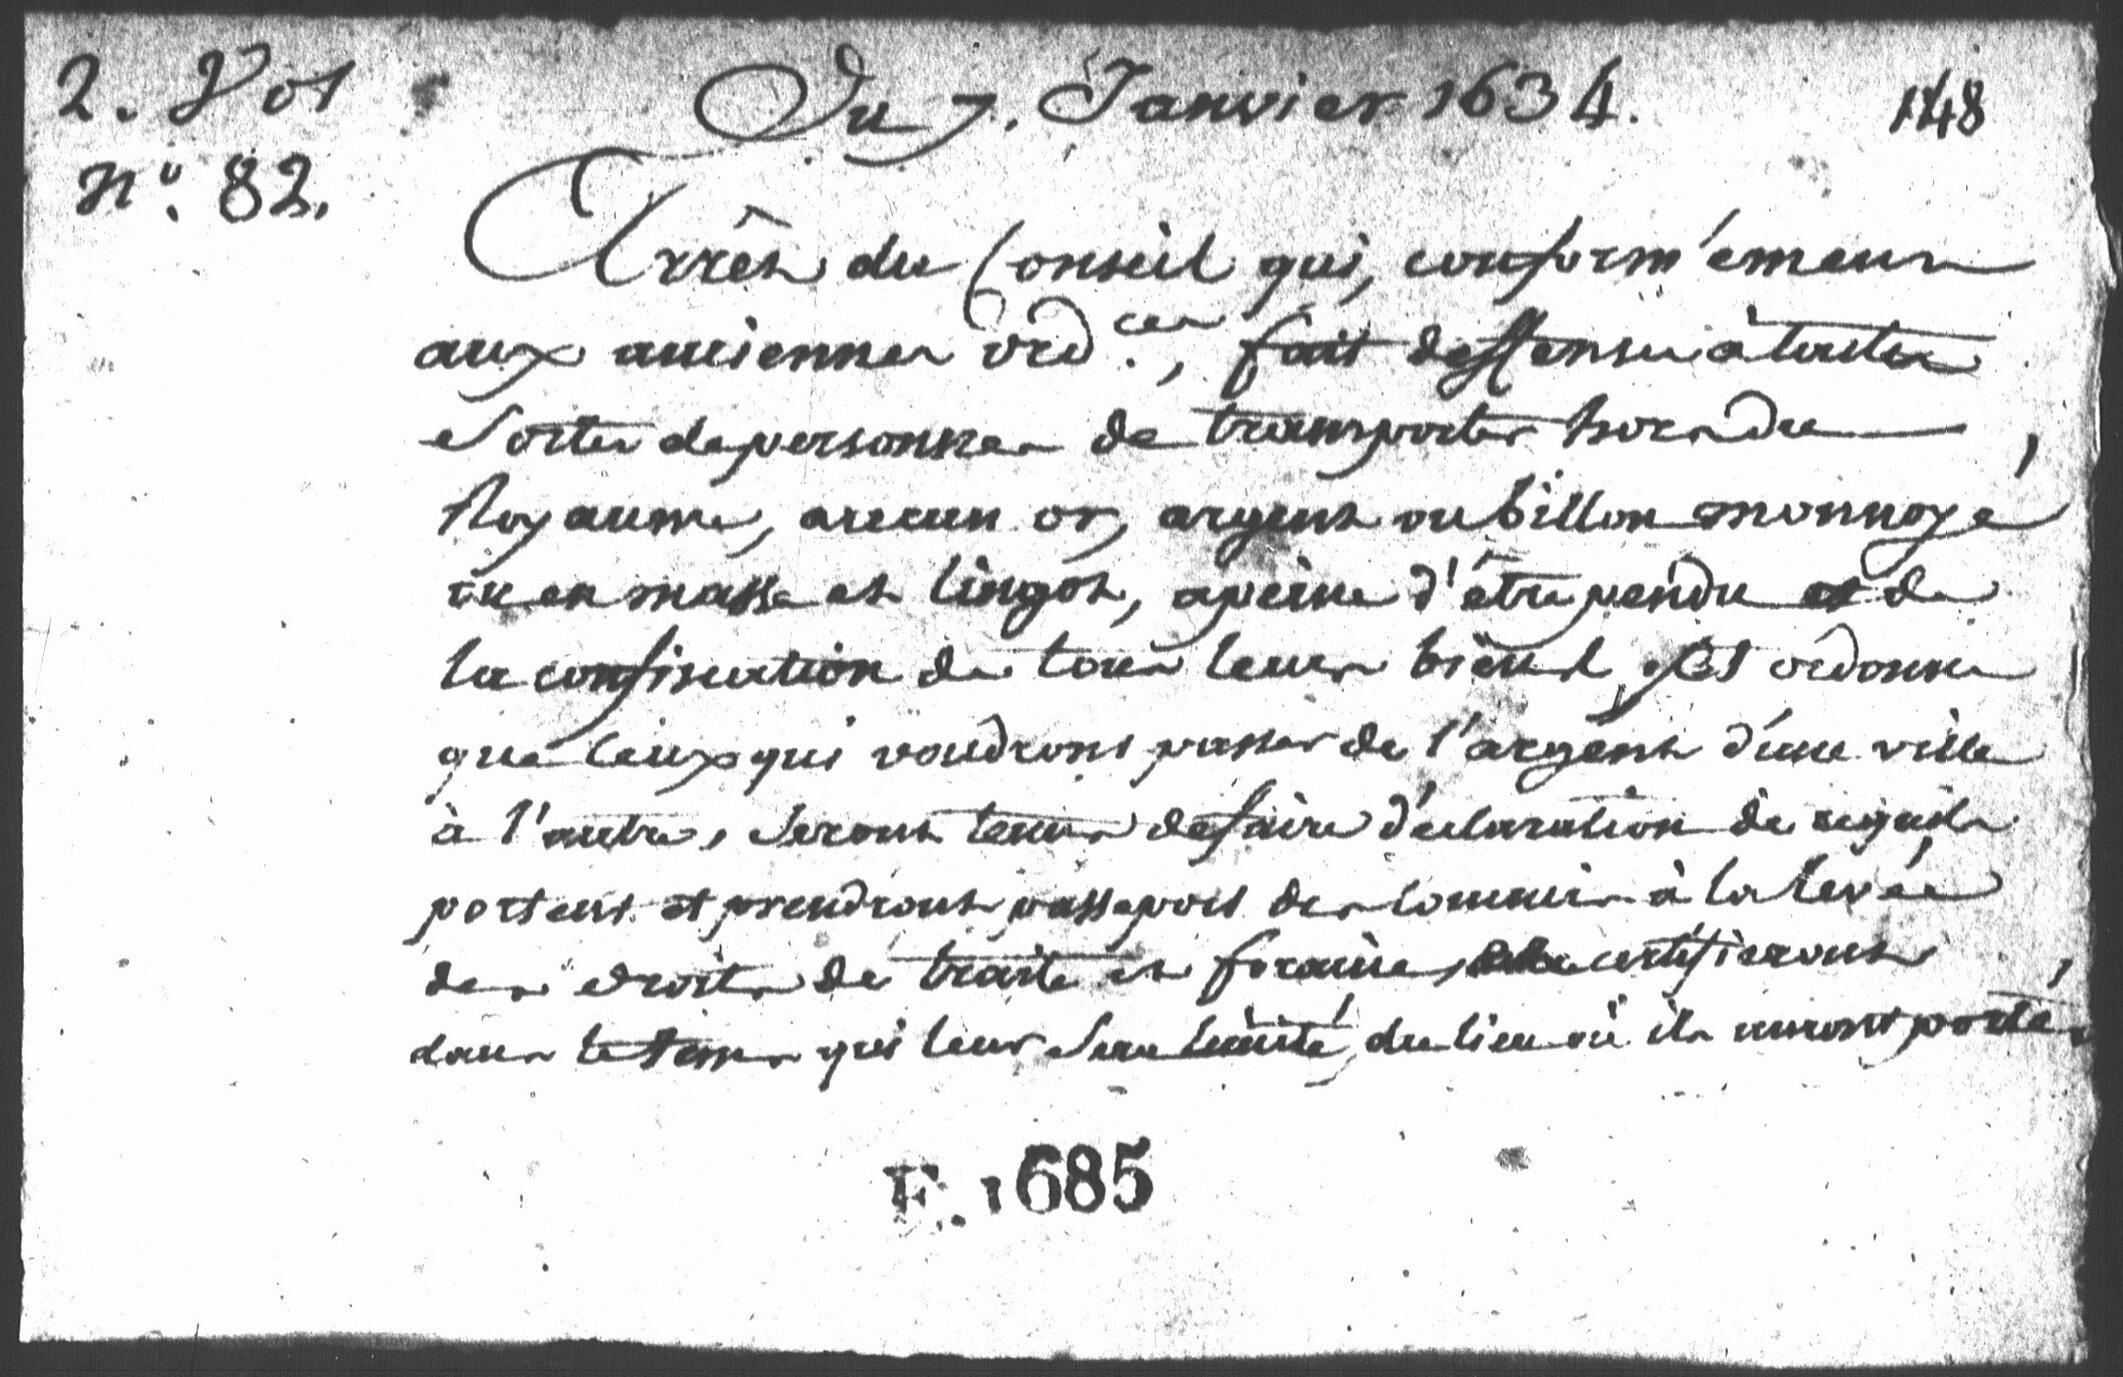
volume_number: n°82
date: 7 janvier 1634
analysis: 148
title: arrêt du Conseil qui, conformément aux anciennes ord.ces, fait deffenses à toutes personnes de transporter hors du Royaume, aucun or, argent ou billon monnoye ou en masse et lingot, a peine d'être pendu et de la confiscation de tous leurs biens. Et ordonne que ceux qui voudront passer de l'argent d'une ville à l'autre, seront tenus de faire déclaration de ce qu'ils portent et prendront passeport des commis à la levée des droits de traite et foraine, certifieront dans le tems qui leur sera limité du lieu où ils auront porté
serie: E
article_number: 1685
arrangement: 2. vol
